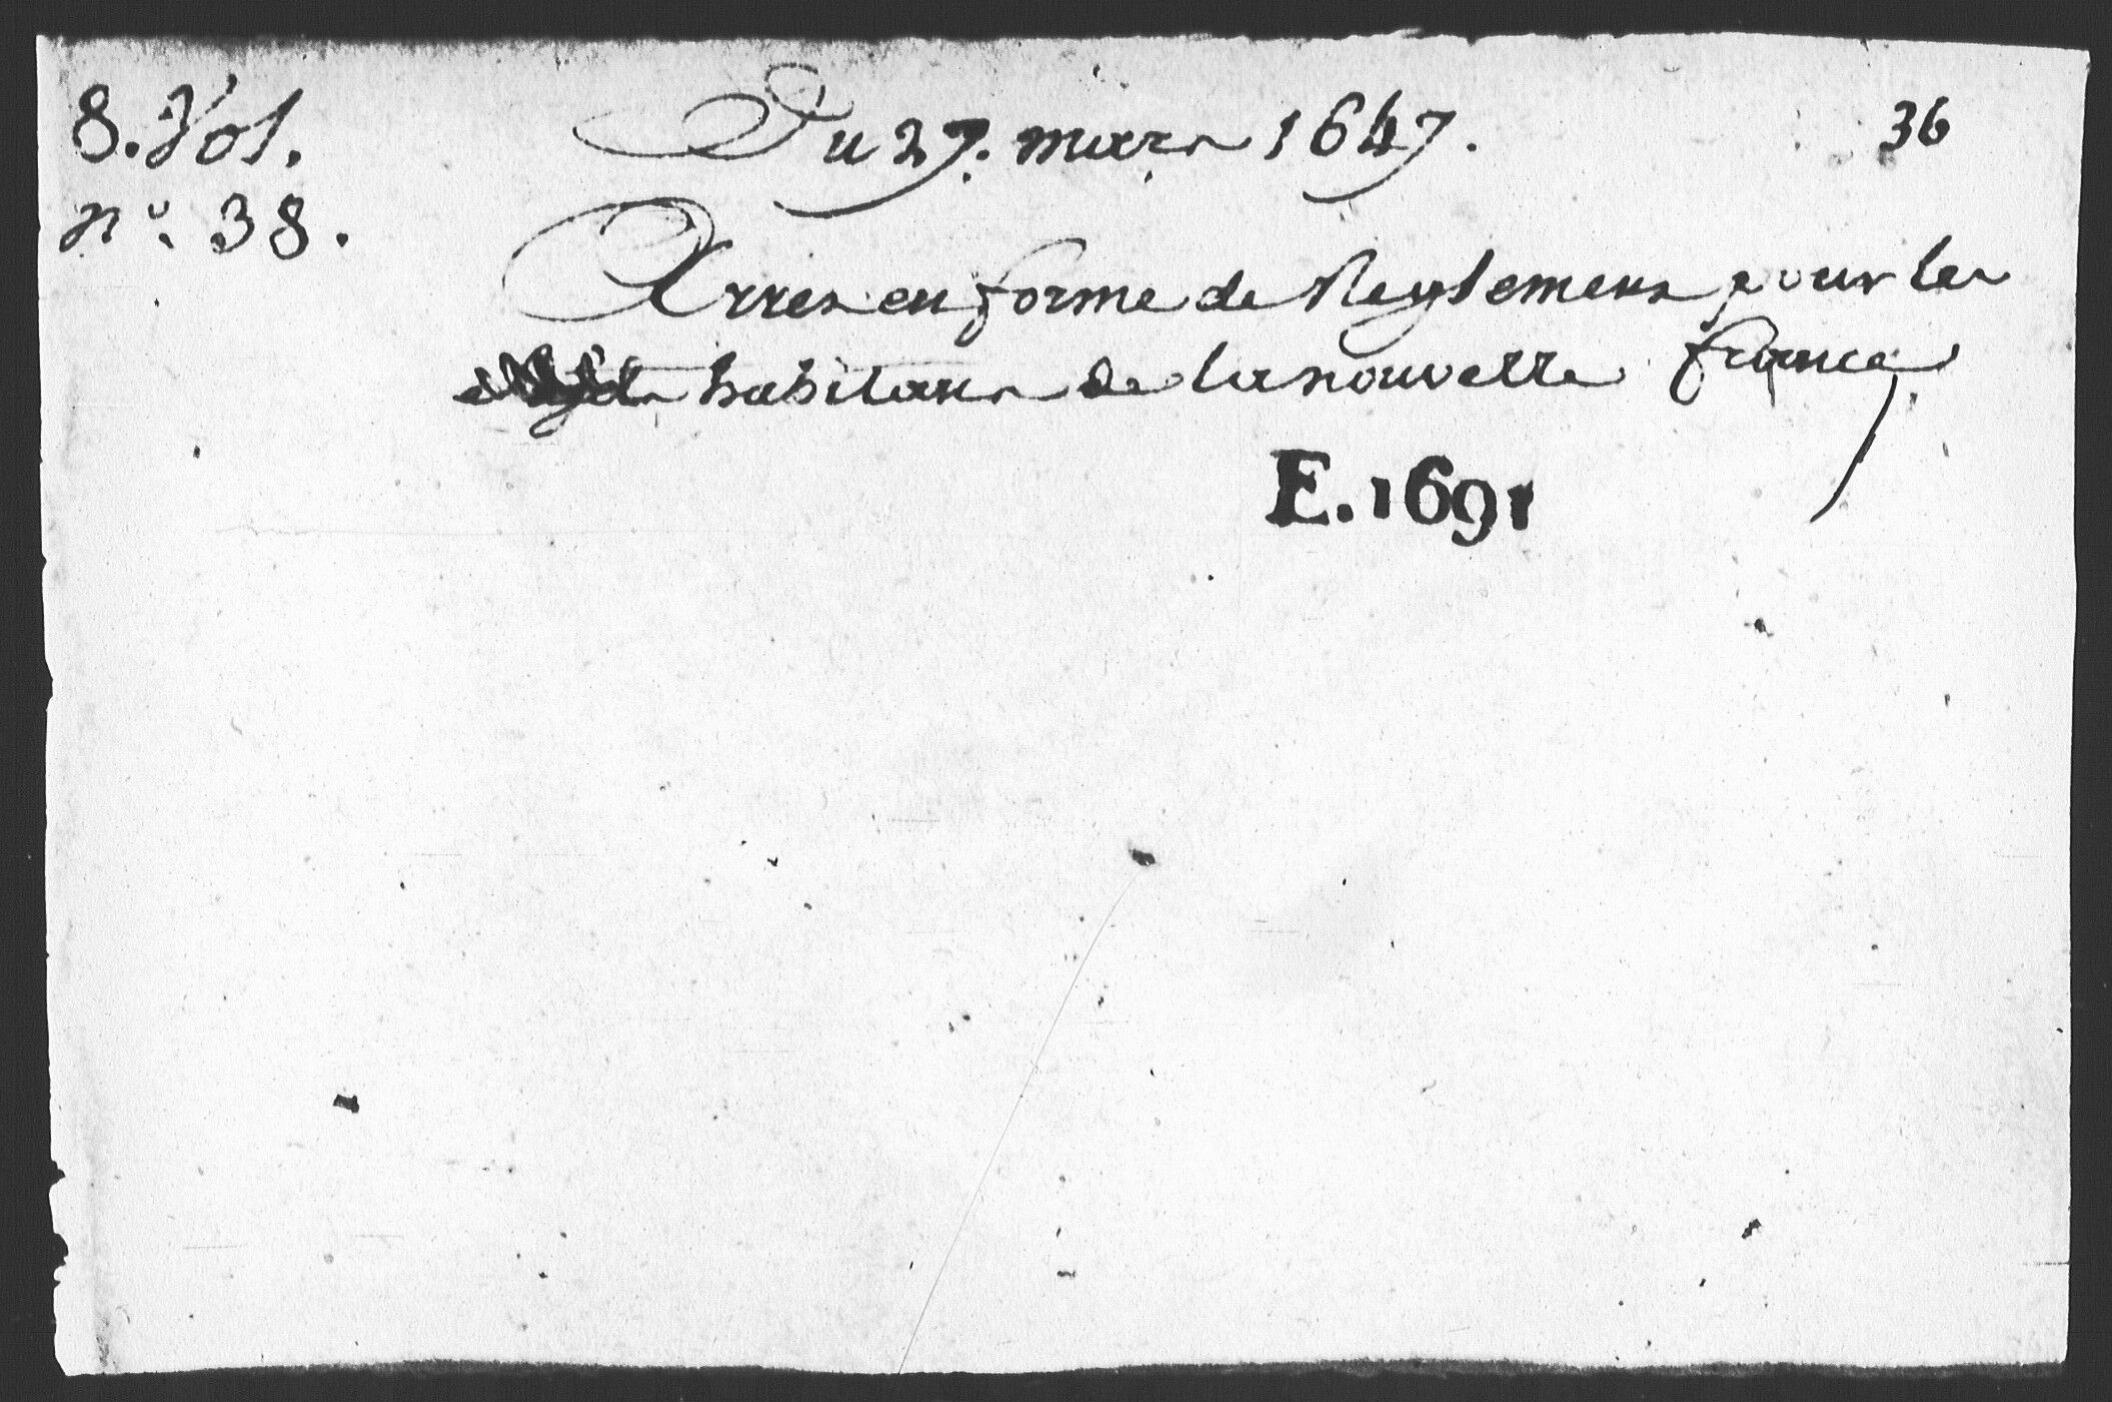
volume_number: n° 38
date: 27 mars 1647
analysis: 36
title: Arrêt en forme de Reglement pour les habitans de la Nouvelle France.
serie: E
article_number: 1691
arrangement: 8e volume
